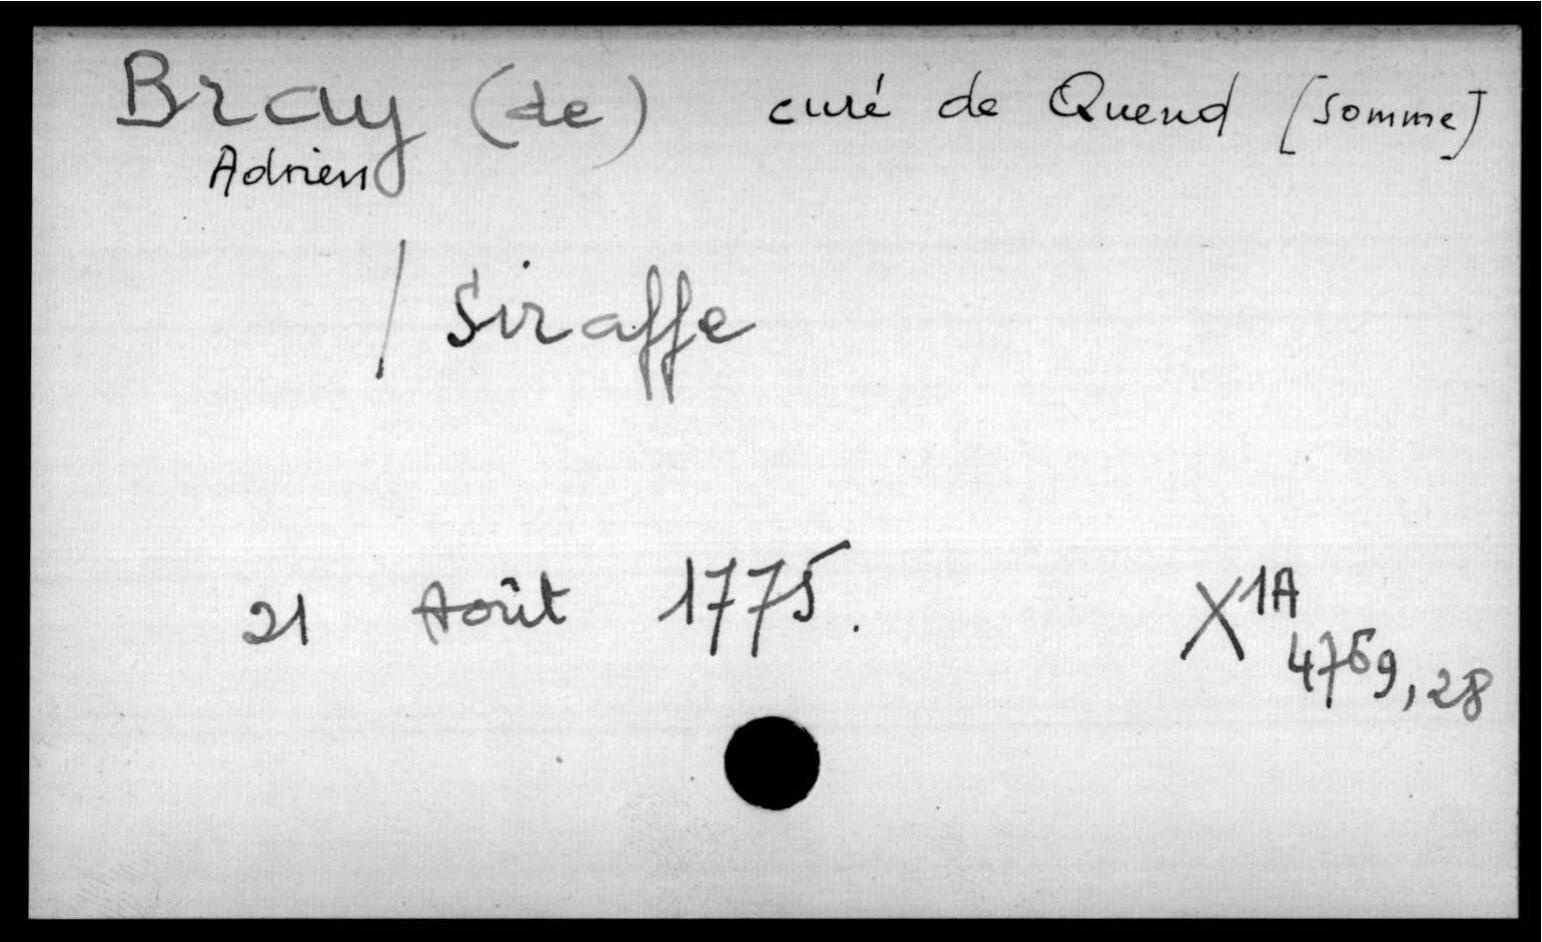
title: BRAY Adrien (de) curé de Quend [Somme]
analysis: Contre Siraffe
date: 21 août 1775
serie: X1A
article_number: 4769
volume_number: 28
